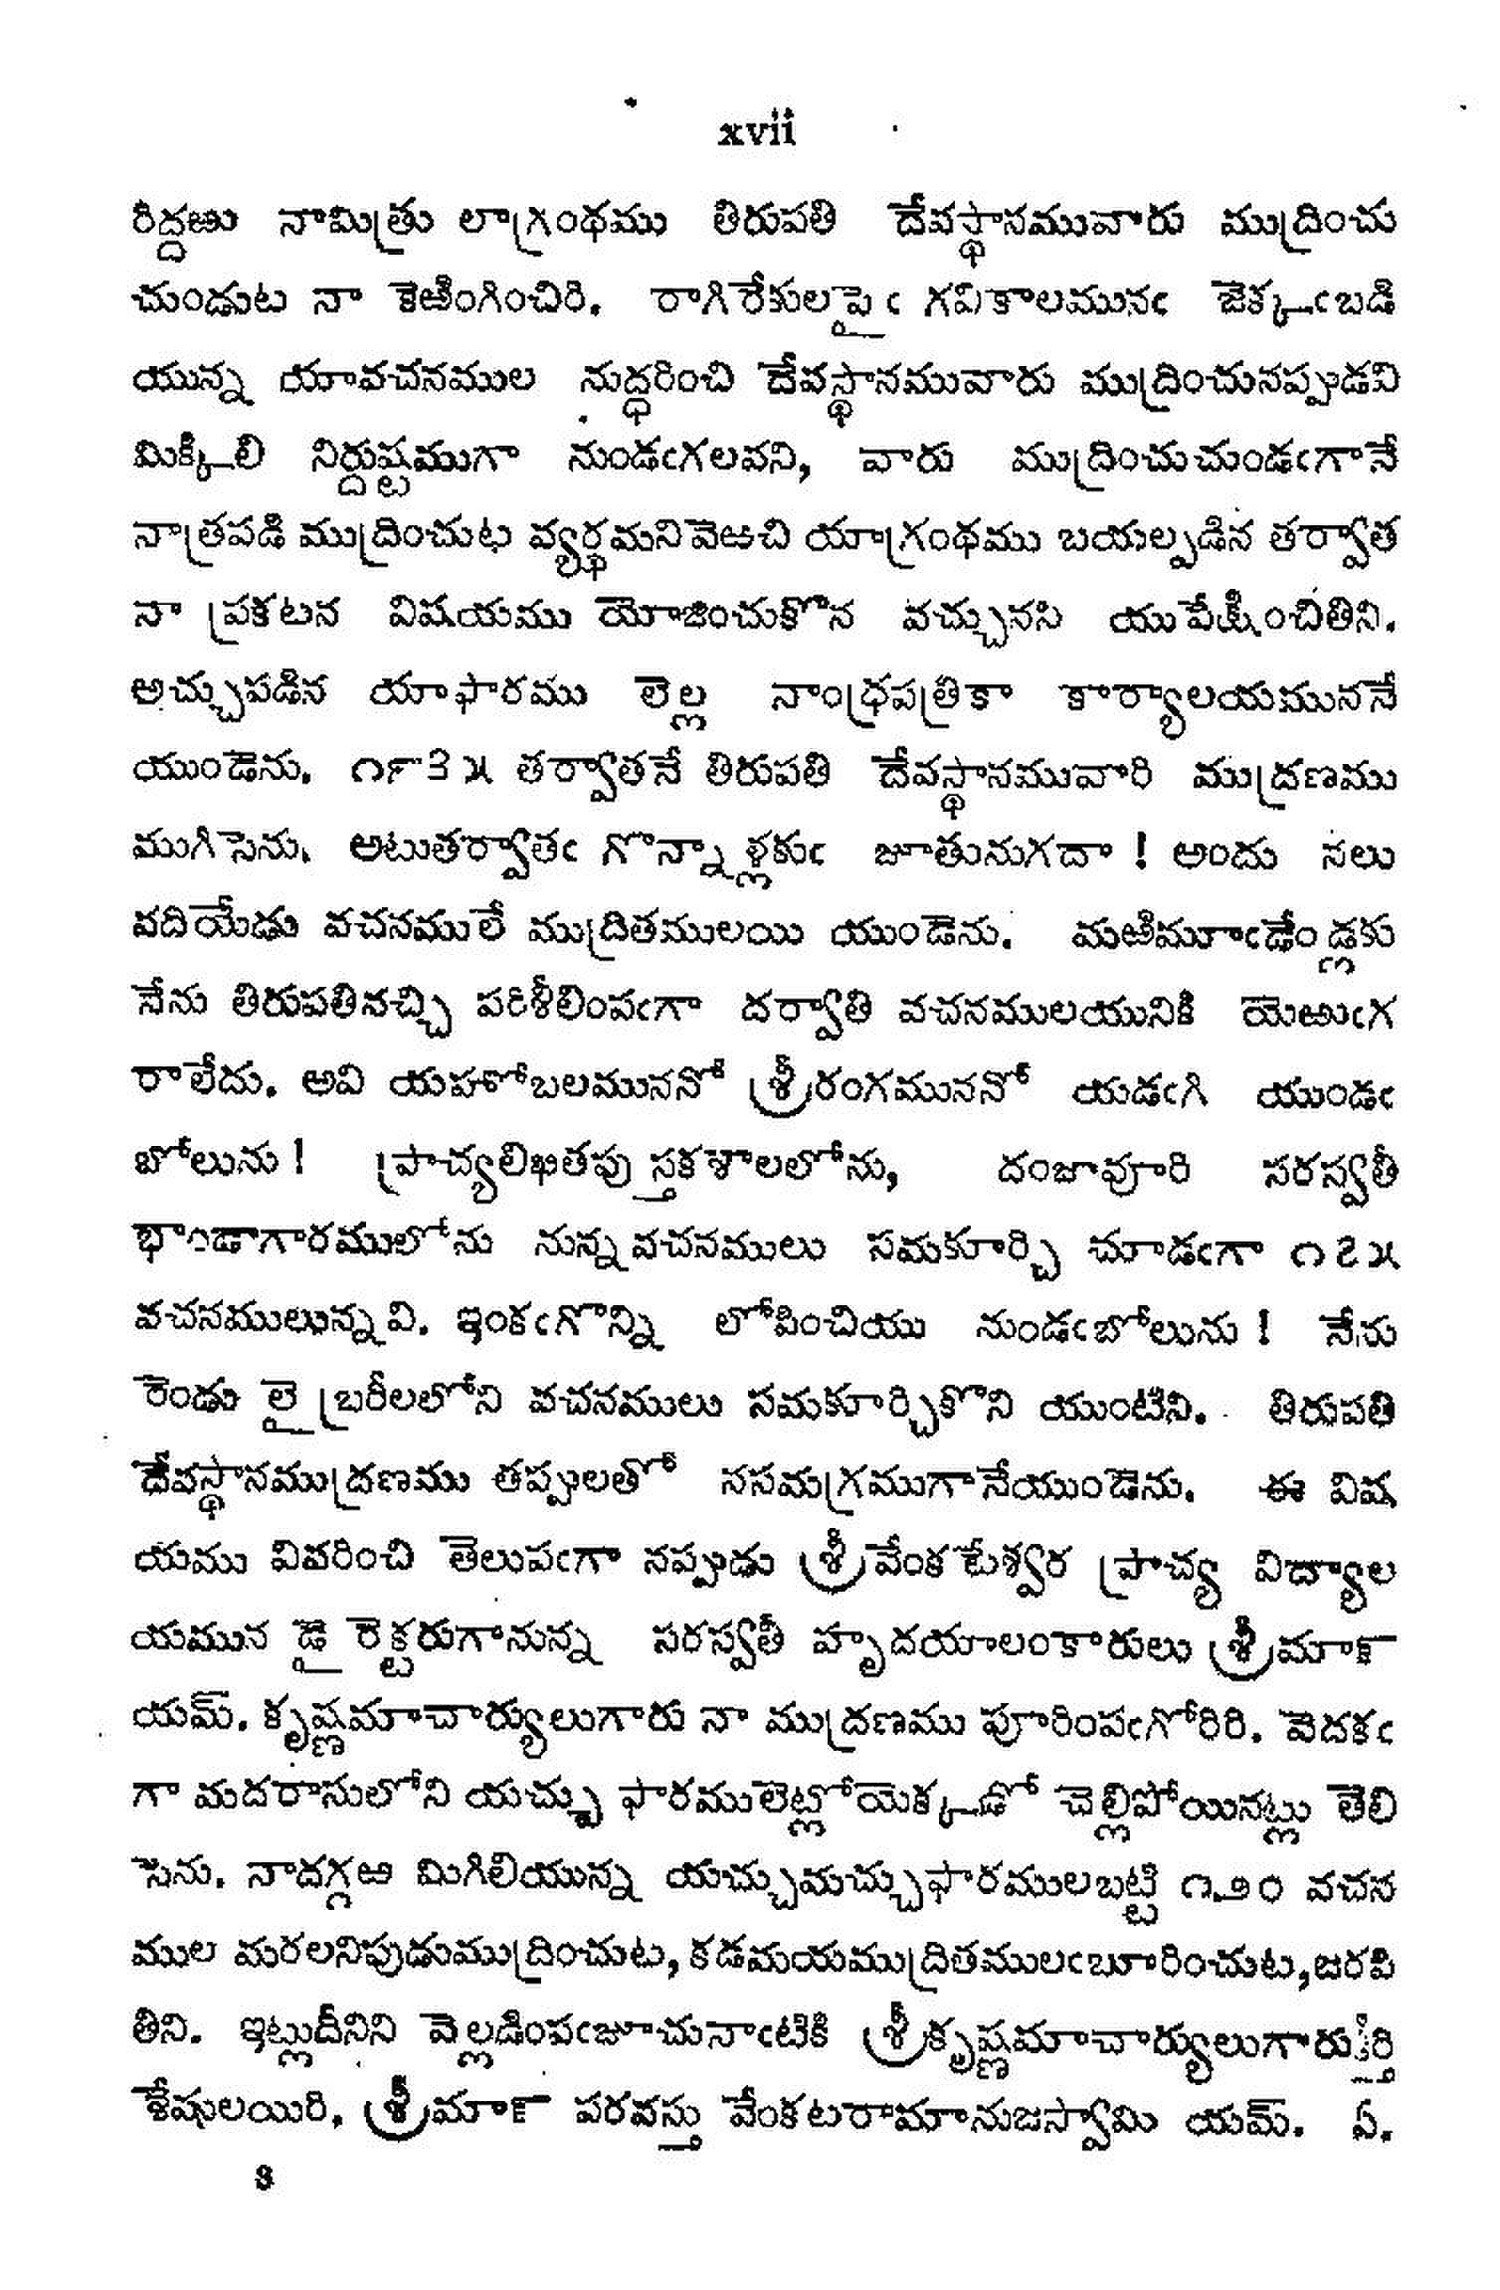రిద్దఱు నామిత్రు లాగ్రంథము తిరుపతి దేవస్థానమువారు ముద్రించుచుండుట నా కెఱింగించిరి. రాగిరేకులపైఁ గవికాలమునఁ జెక్కఁబడియున్న యావచనముల నుద్ధరించి దేవస్థానమువారు ముద్రించునప్పుడవి మిక్కిలి నిర్దుష్టముగా నుండఁగలవని, వారు ముద్రించుచుండఁగానే నాత్రపడి ముద్రించుట వ్యర్థమనివెఱచి యాగ్రంథము బయల్పడిన తర్వాత నా ప్రకటన విషయము యోజించుకొన వచ్చునని యుపేక్షించితిని. అచ్చుపడిన యాఫారము లెల్ల నాంధ్రపత్రికా కార్యాలయముననే యుండెను. ౧౯౩౫ తర్వాతనే తిరుపతి దేవస్థానమువారి ముద్రణము ముగిసెను. అటుతర్వాతఁ గొన్నాళ్లకుఁ జూతునుగదా! అందు నలువదియేడు వచనములే ముద్రితములయి యుండెను. మఱిమూఁడేండ్లకు
నేను తిరుపతివచ్చి పరిశీలింపఁగా దర్వాతి వచనములయునికి యెఱుఁగ రాలేదు. అవి యహోబలముననో శ్రీరంగముననో యడఁగి యుండఁ బోలును! ప్రాచ్యలిఖితపుస్తకశాలలోను, దంజావూరి సరస్వతీ భాండాగారములోను నున్నవచనములు సమకూర్చి చూడఁగా ౧౭౫ వచనములున్నవి. ఇంకఁగొన్ని లోపించియు నుండఁబోలును! నేను రెండు లైబ్రరీలలోని వచనములు సమకూర్చికొని యుంటిని. తిరుపతి దేవస్థానముద్రణము తప్పులతో నసమగ్రముగానేయుండెను. ఈ విషయము వివరించి తెలుపఁగా నప్పుడు శ్రీవేంకటేశ్వర ప్రాచ్య విద్యాలయమున డైరెక్టరుగానున్న సరస్వతీ హృదయాలంకారులు శ్రీమాౝ యమ్. కృష్ణమాచార్యులుగారు నా ముద్రణము పూరింపఁగోరిరి. వెదకఁగా మదరాసులోని యచ్చు ఫారములెట్లోయెక్కడో చెల్లిపోయినట్లు తెలిసెను. నాదగ్గఱ మిగిలియున్న యచ్చుమచ్చుఫారములబట్టి ౧౨౦ వచనముల మరలనిపుడుముద్రించుట, కడమయముద్రితములఁబూరించుట,జరపితిని. ఇట్లుదీనిని వెల్లడింపఁజూచునాఁటికి శ్రీకృష్ణమాచార్యులుగారుకీర్తిశేషులయిరి. శ్రీమాౝ పరవస్తు వేంకటరామానుజస్వామి యమ్. ఏ.